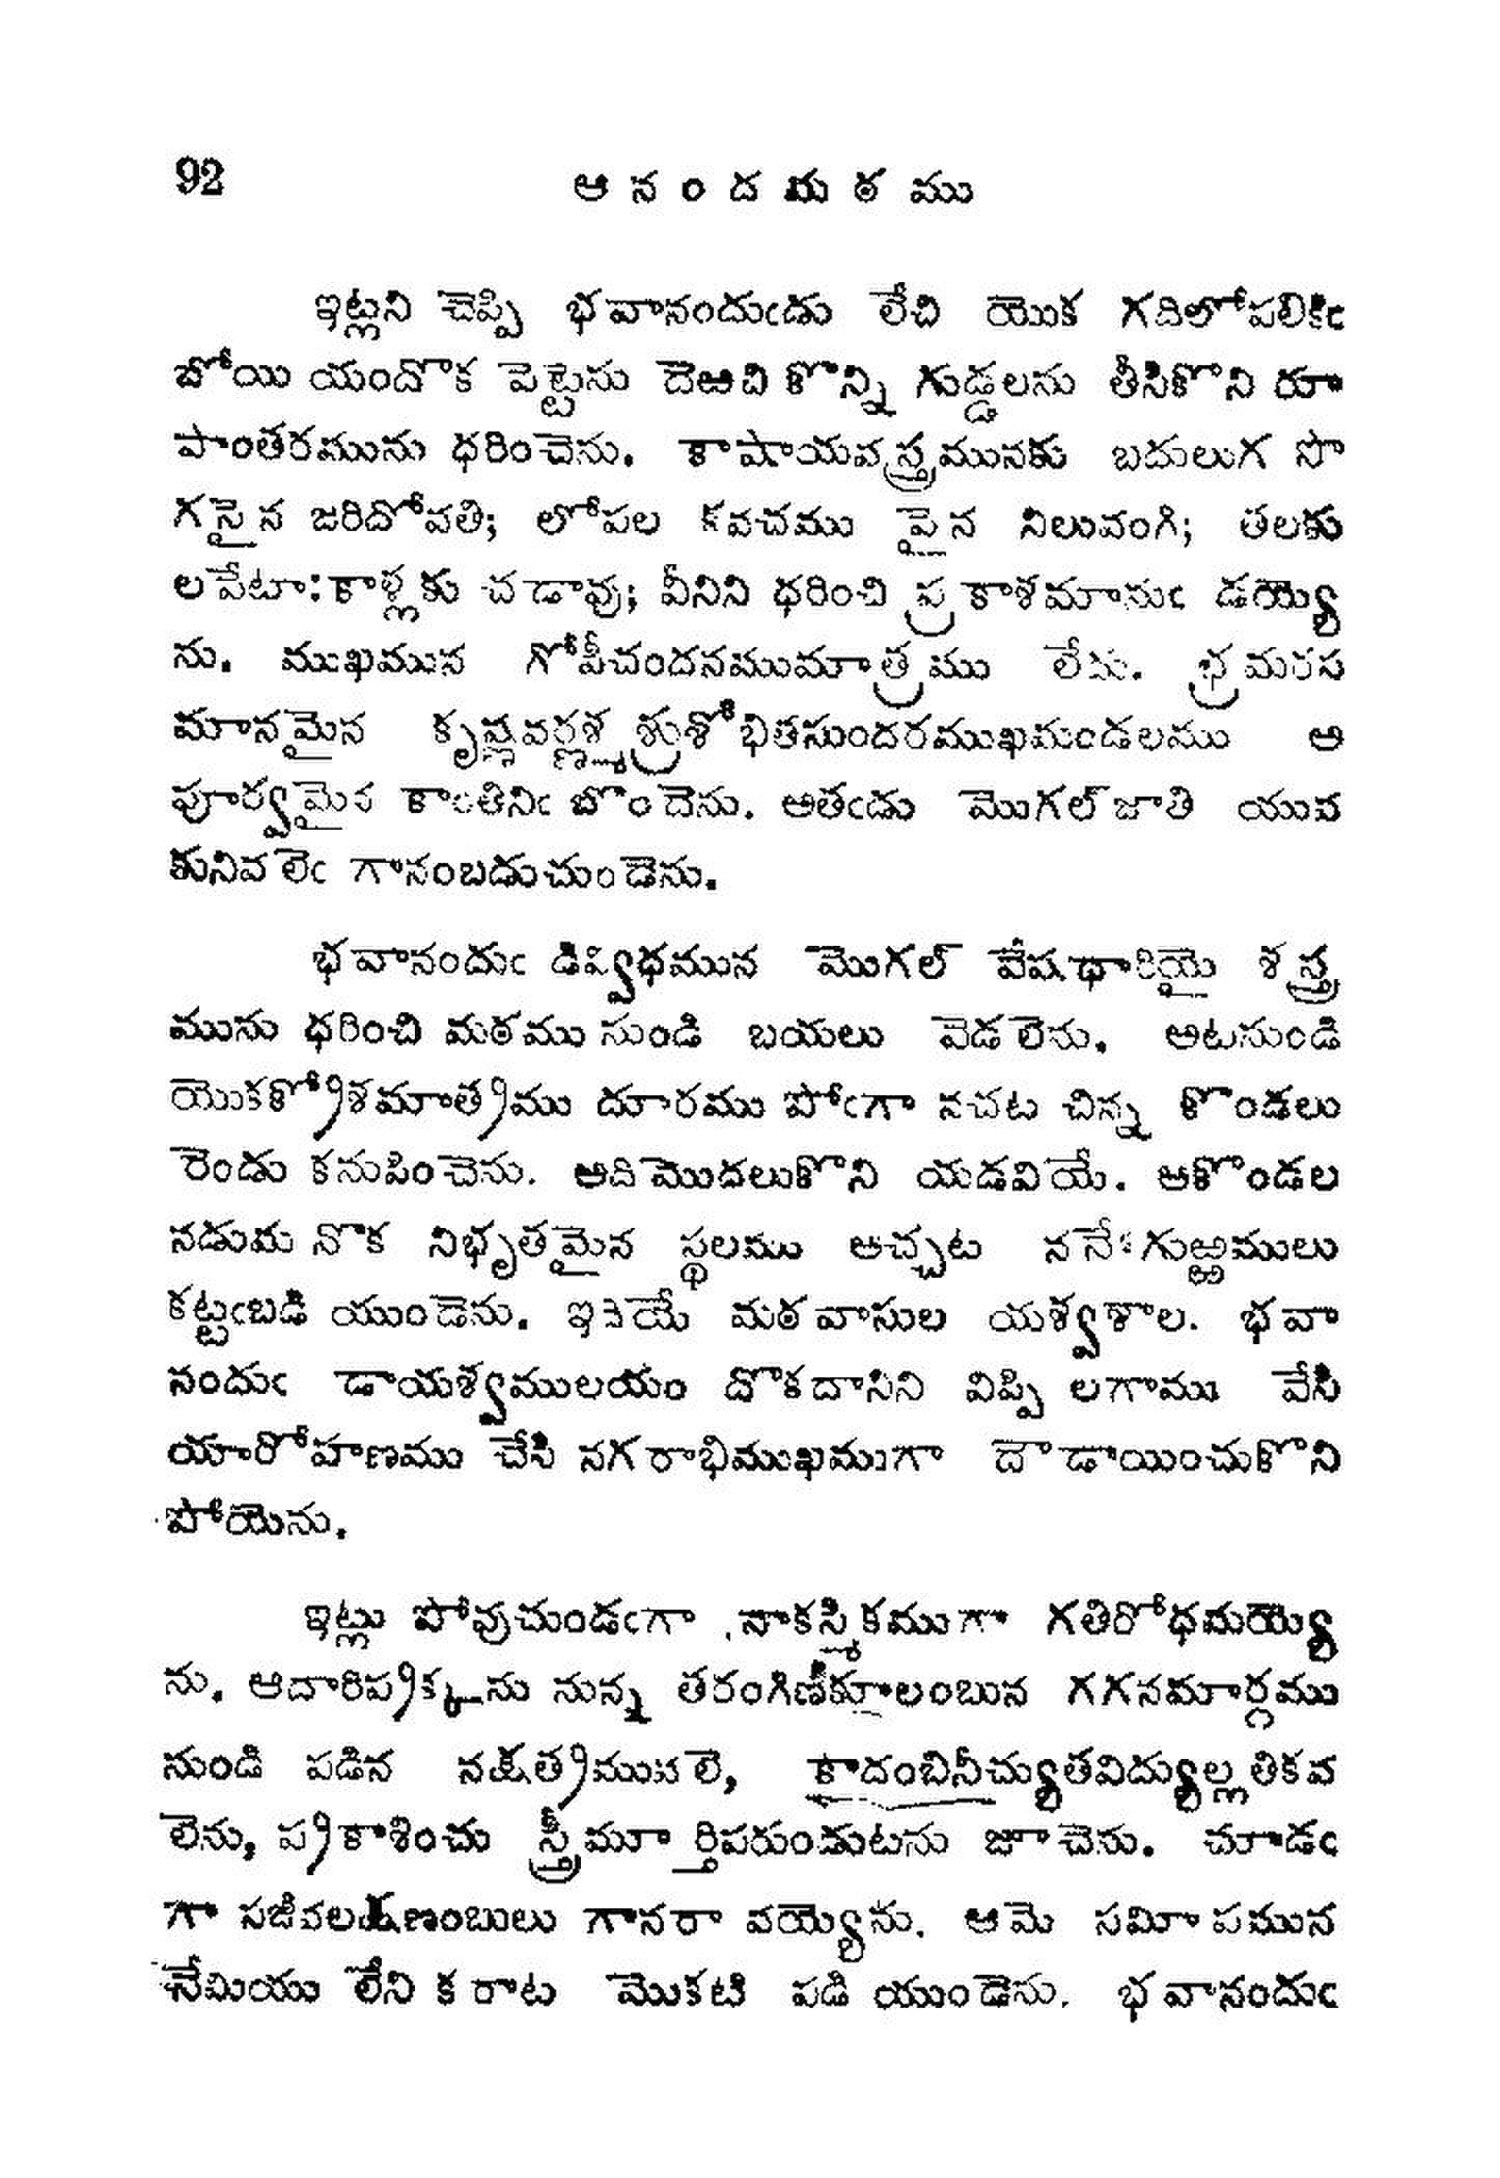ఇట్లని చెప్పి భవానందుఁడు లేచి యొక గదిలోపలికి బోయి యందొక పెట్టెను దేఱచి కొన్ని గుడ్డలను తీసికొని రూపొంతరమును ధరించెను. కాషాయవస్త్రమునకు బదులుగ సొగసైన జరిదోవతి; లోపల కవచము పైన నిలువంగి; తలకు లపేటా: కాళ్లకు చడావు; వీనిని ధరించి ప్రకాశమానుఁ డయ్యెను, ముఖమున గోపీచందనము మాత్రము లేదు. భ్రమరస మానమైన కృష్ణ వర్ణశ్మశ్రుశోభితసుందరముఖమండలము అపూర్వమైన కాంతినిఁ బొందెను. అతఁడు మొగల్ జాతి యువకునివలెఁ గానంబడుచుండెను.

భవానందుఁ డివ్విధమున మొగల్ వేషధారియై శస్త్రమును ధరించి మఠము నుండి బయలు వెడలెను, అటనుండి
యొకక్రోశమాత్రము దూరము పోఁగా నచట చిన్న కొండలు రెండు కనుపించెను. అది మొదలుకొని యడవియే. అకొండల
నడుమ నొక నిభృతమైన స్థలము అచ్చట ననేక గుఱ్ఱములు కట్టఁబడి యుండెను. ఇదియే మఠవాసుల యశ్వశాల. భవా
నందుఁ డాయశ్వములయం దొక దానిని విప్పి లగాము వేసి యారోహణము చేసి నగరాభిముఖముగా దౌడాయించుకొని
పోయెను,

ఇట్లు పోవుచుండఁగా నాకస్మికముగా గతిరోధమయ్యెను, ఆదారిపక్కను నున్న తరంగిణికూలంబున గగనమార్గము నుండి పడిన నక్షత్రమువలె, కాదంబినీచ్యుతవిద్యుల్లతికవలెను, ప్రకాశించు స్త్రీ మూర్తిపరుండుటను జూచెను. చూడఁగా సజీవలక్షణంబులు గానరా వయ్యెను, ఆమె సమీపమున నేమియు లేని కరాట మొకటి పడి యుండెను. భవానందుఁ